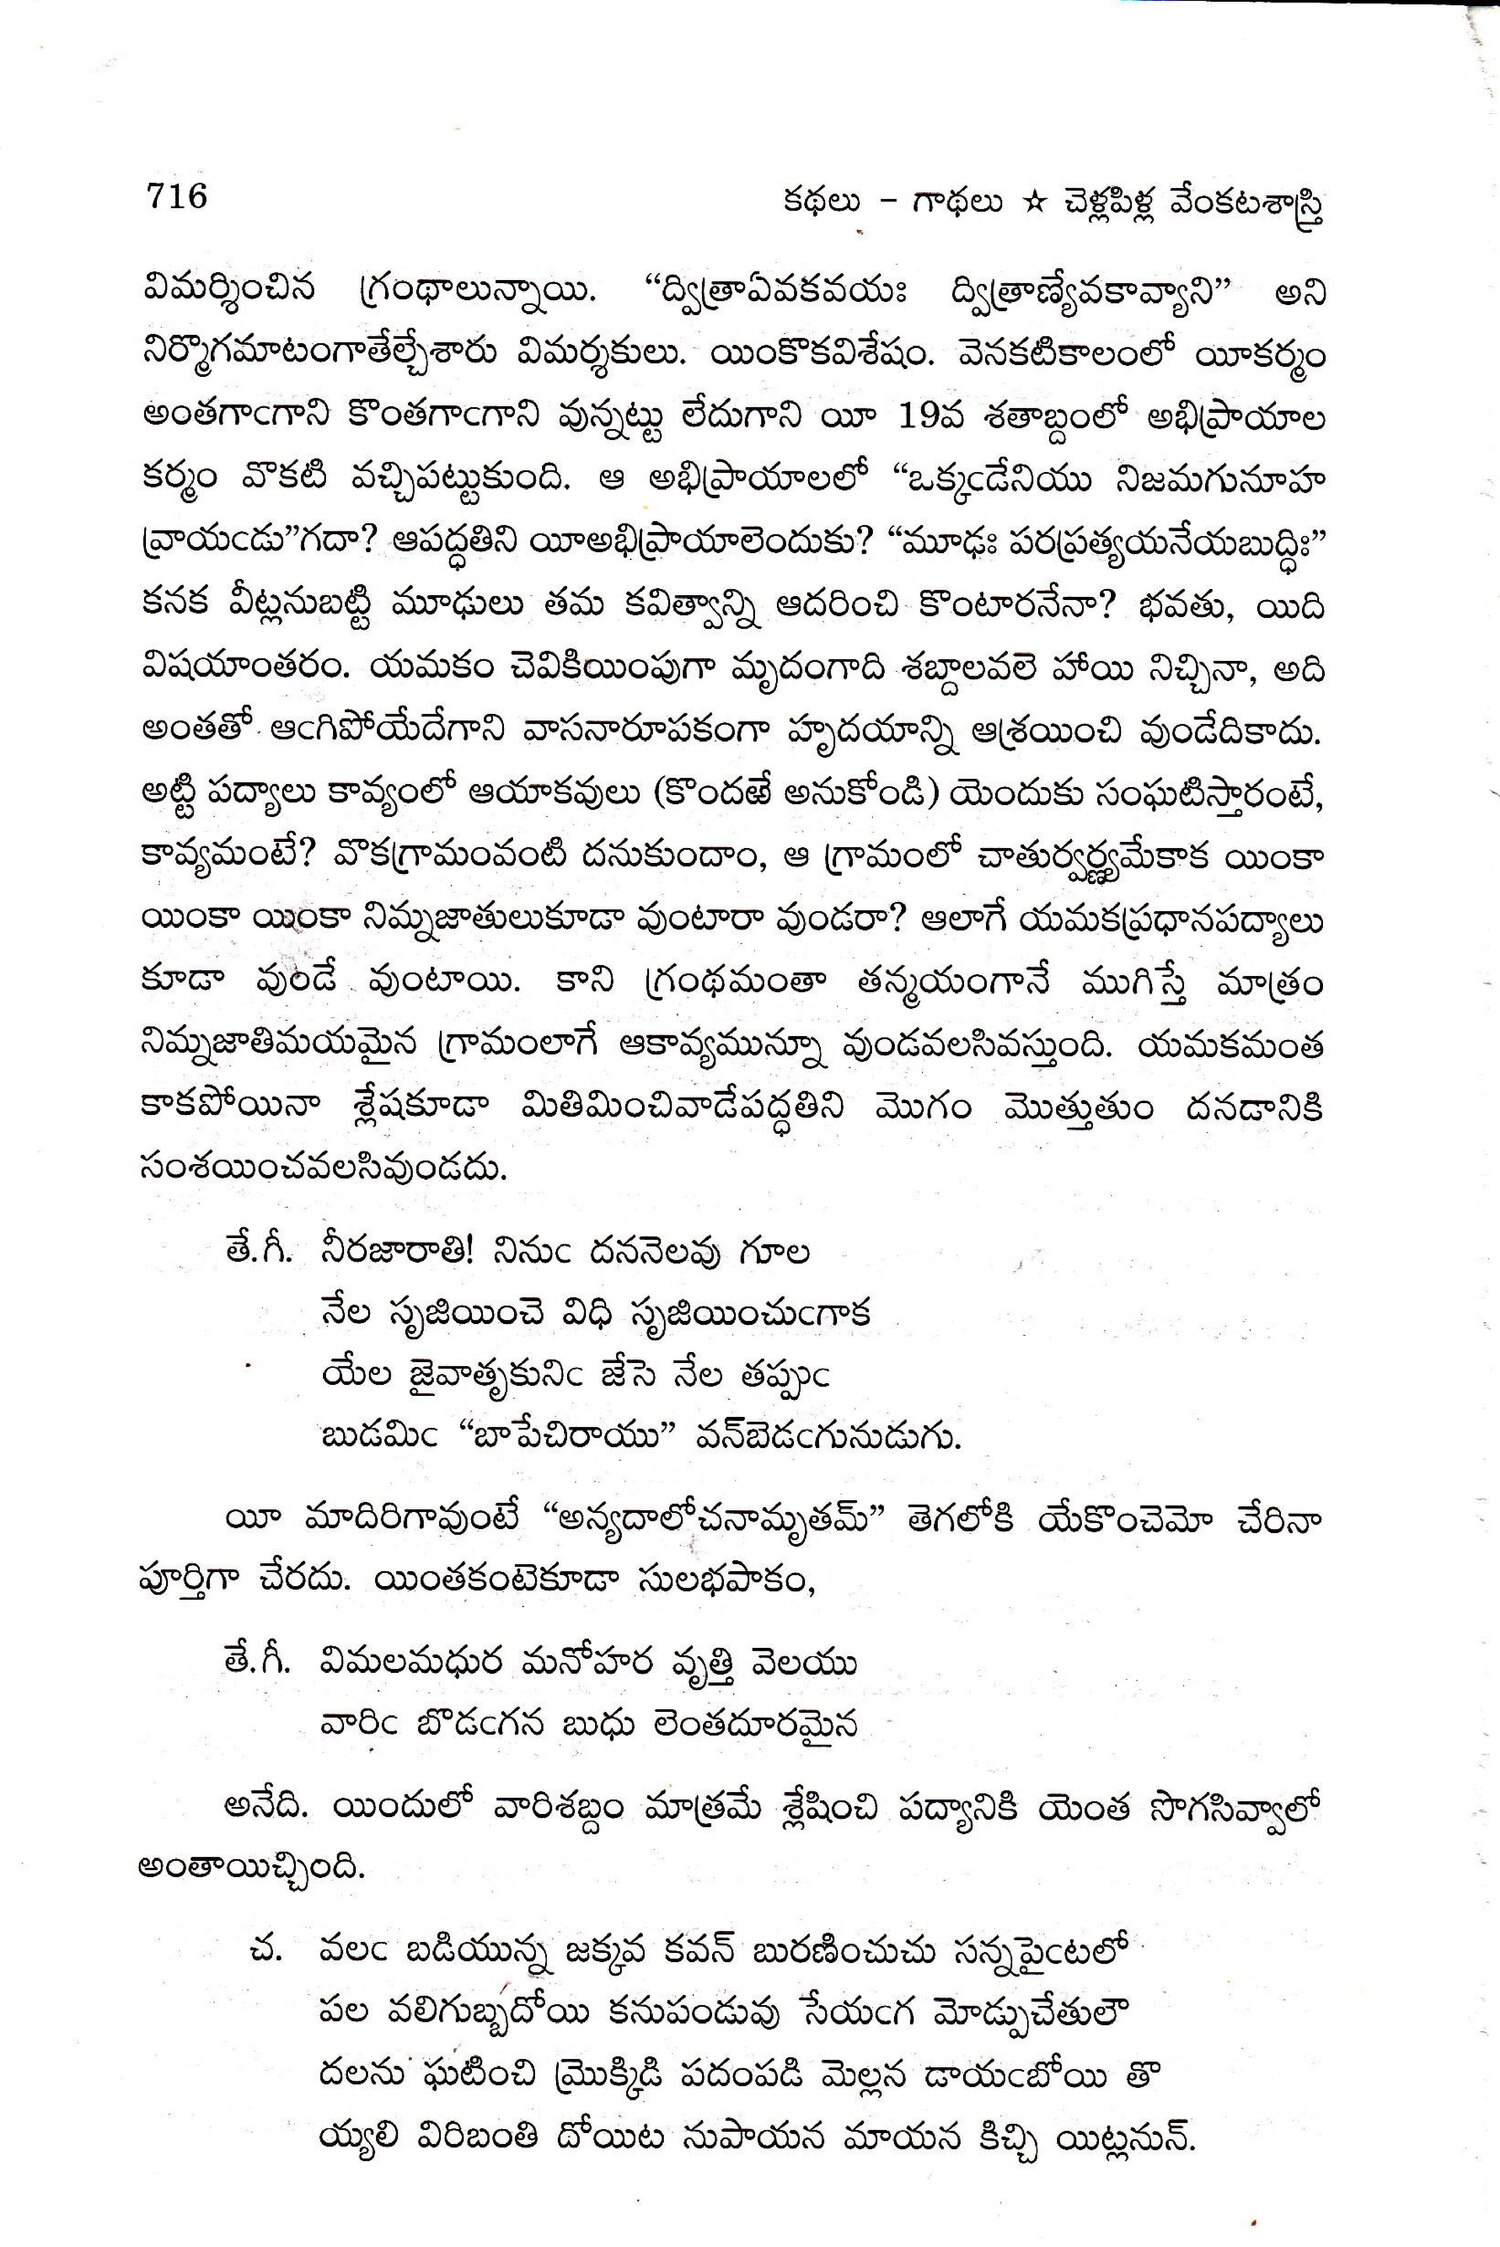విమర్శించిన గ్రంథాలున్నాయి. “ద్విత్రాఏవకవయః ద్విత్రాణ్యేవకావ్యాని" అని నిర్మొగమాటంగాతేల్చేశారు విమర్శకులు. యింకొకవిశేషం. వెనకటికాలంలో యీకర్మం అంతగాఁగాని కొంతగాఁగాని వున్నట్టు లేదుగాని యీ 19వ శతాబ్దంలో అభిప్రాయాల కర్మం వొకటి వచ్చిపట్టుకుంది. ఆ అభిప్రాయాలలో “ఒక్కఁడేనియు నిజమగునూహ వ్రాయఁడు”గదా? ఆపద్ధతిని యీఅభిప్రాయాలెందుకు? “మూఢః పరప్రత్యయనేయబుద్ధిః" కనక వీట్లనుబట్టి మూఢులు తమ కవిత్వాన్ని ఆదరించి కొంటారనేనా? భవతు, యిది విషయాంతరం. యమకం చెవికియుంపుగా మృదంగాది శబ్దాలవలె హాయి నిచ్చినా, అది అంతతో ఆఁగిపోయేదేగాని వాసనారూపకంగా హృదయాన్ని ఆశ్రయించి వుండేదికాదు. అట్టి పద్యాలు కావ్యంలో ఆయాకవులు (కొందఱే అనుకోండి) యెందుకు సంఘటిస్తారంటే, కావ్యమంటే? వొక గ్రామంవంటి దనుకుందాం, ఆ గ్రామంలో చాతుర్వర్ణ్యమేకాక యింకా యింకా యింకా నిమ్నజాతులుకూడా వుంటారా వుండరా? ఆలాగే యమకప్రధానపద్యాలు కూడా వుండే వుంటాయి. కాని గ్రంథమంతా తన్మయంగానే ముగిస్తే మాత్రం నిమ్నజాతిమయమైన గ్రామంలాగే ఆకావ్యమున్నూ వుండవలసివస్తుంది. యమకమంత కాకపోయినా శ్లేషకూడా మితిమించివాడేపద్ధతిని మొగం మొత్తుతుం దనడానికి సంశయించవలసివుండదు.

తే.గీ. నీరజారాతి! నినుఁ దననెలవు గూల
 నేల సృజియించె విధి సృజియించుఁగాక 
 యేల జైవాతృకునిఁ జేసె నేల తప్పుఁ 
 బుడమిఁ "బాపేచిరాయు” వన్‌బెడఁగునుడుగు.
యీ మాదిరిగావుంటే "అన్యదాలోచనామృతమ్" తెగలోకి యేకొంచెమో చేరినా పూర్తిగా చేరదు. యింతకంటెకూడా సులభపాకం,

తే.గీ. విమలమధుర మనోహర వృత్తి వెలయు 
 వారిఁ బొడఁగన బుధు లెంతదూరమైన
అనేది. యిందులో వారిశబ్దం మాత్రమే శ్లేషించి పద్యానికి యెంత సొగసివ్వాలో అంతాయిచ్చింది.

చ. వలఁ బడియున్న జక్కవ కవన్ బురణించుచు సన్నపైఁటలో 
 పల వలిగుబ్బదోయి కనుపండువు సేయఁగ మోడ్పుచేతులౌ 
 దలను ఘటించి మ్రొక్కిడి పదంపడి మెల్లన డాయఁబోయి తొ 
 య్యలి విరిబంతి దోయిట నుపాయన మాయన కిచ్చి యిట్లనున్.